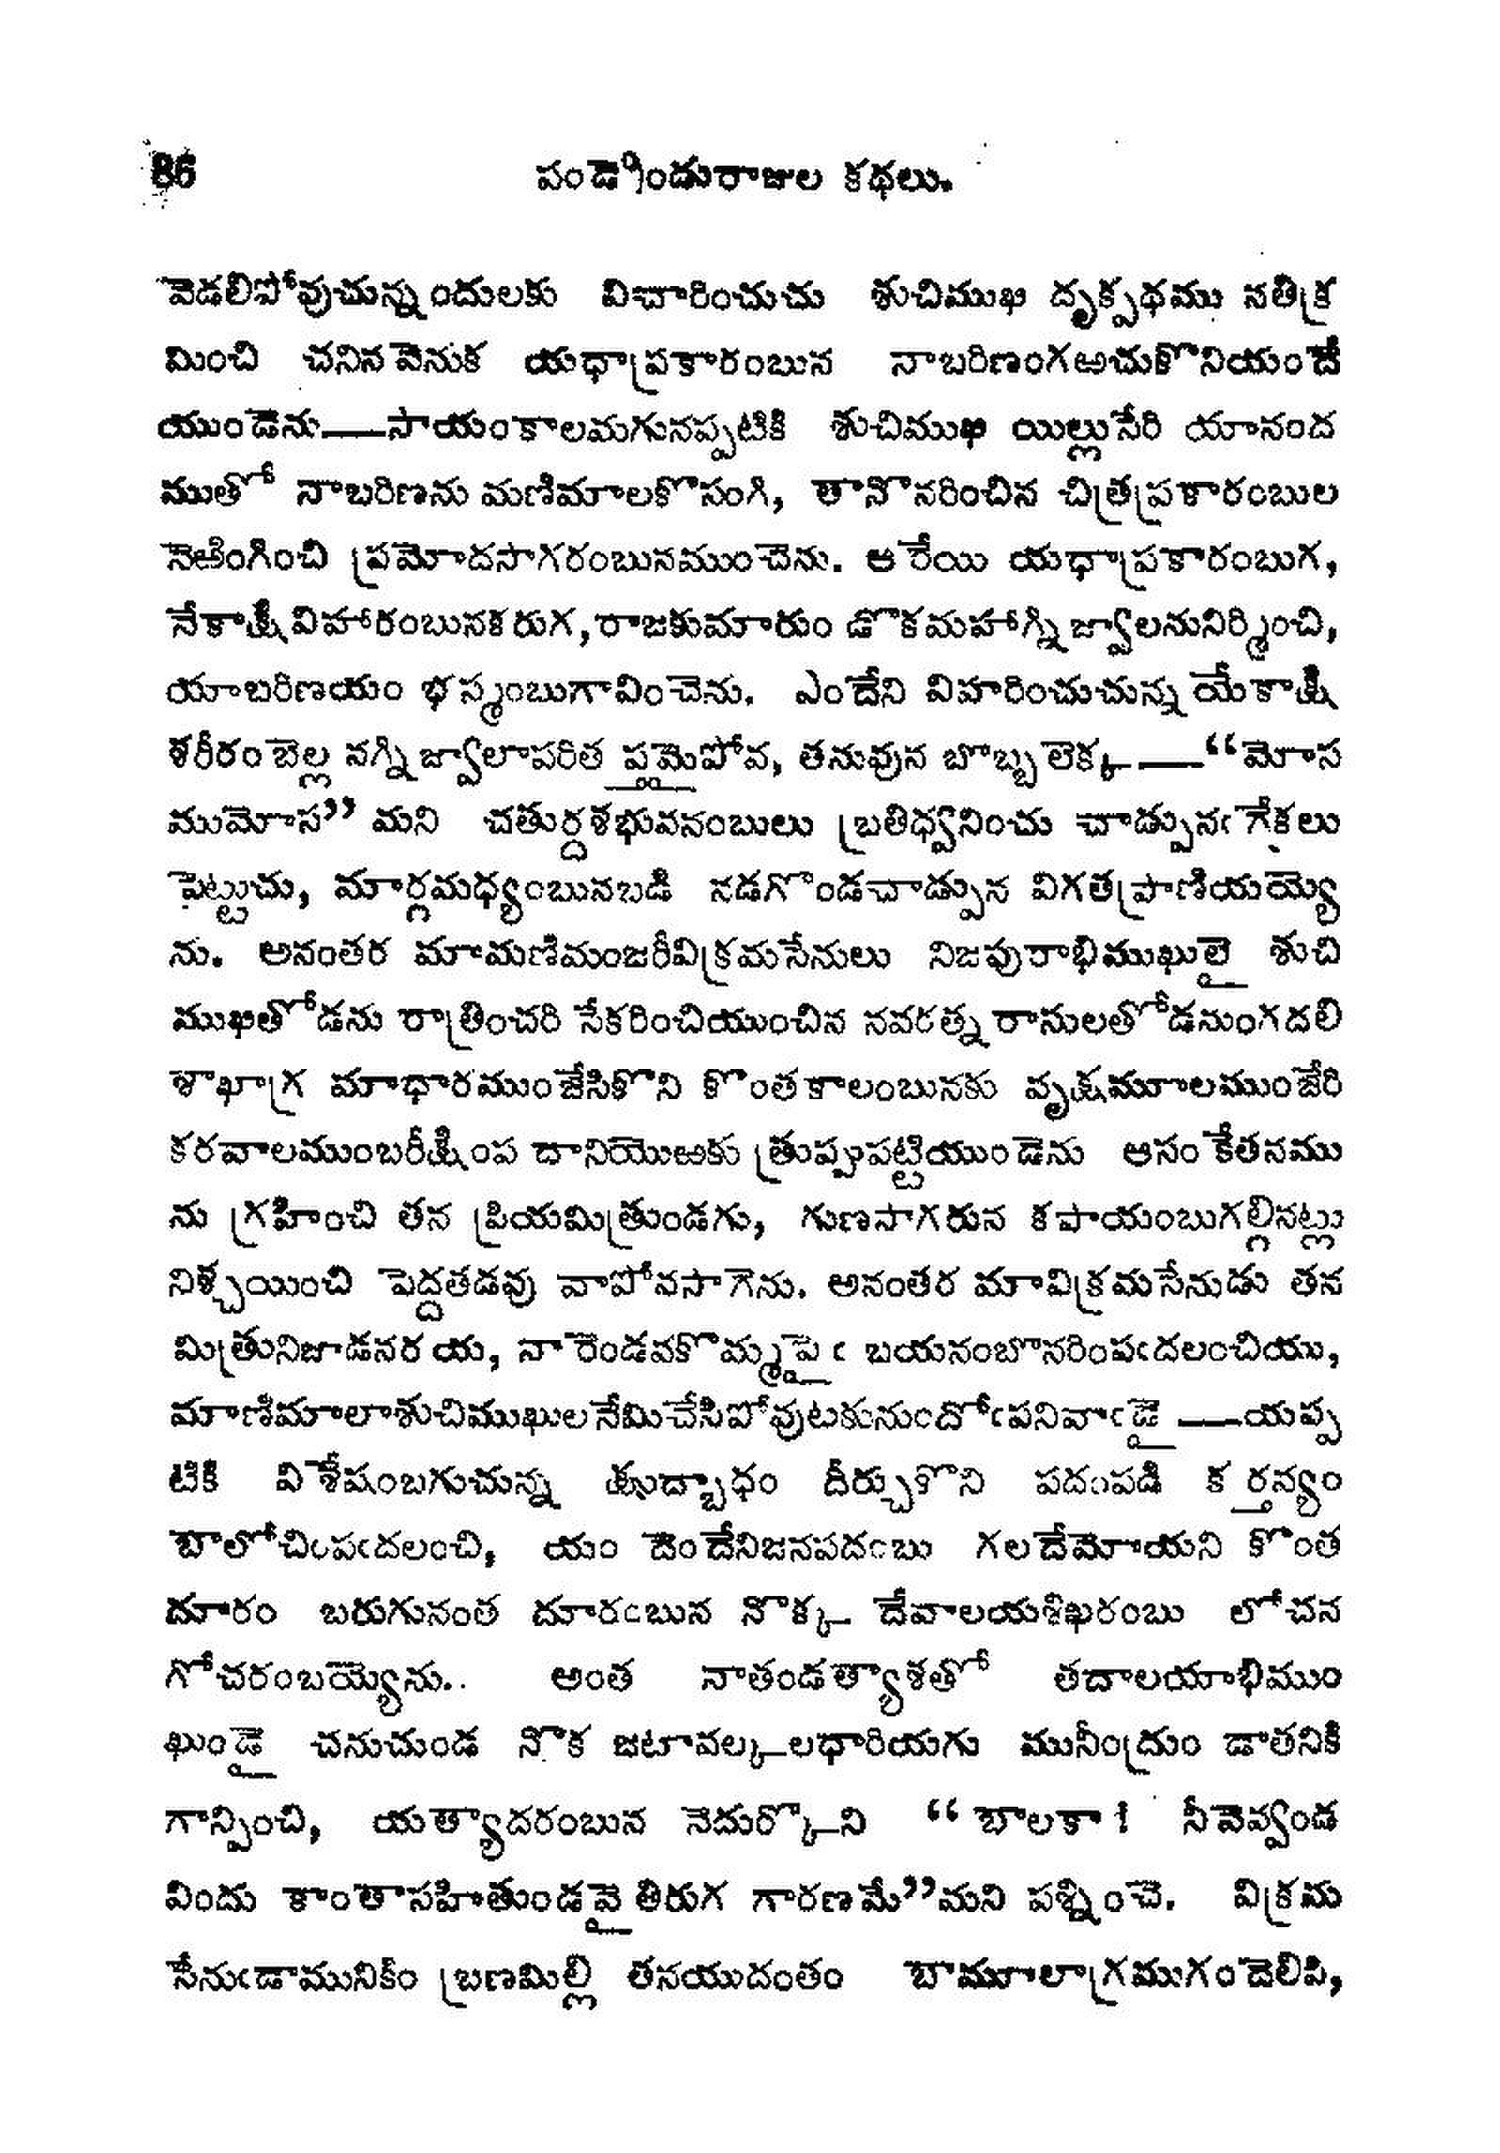వెడలిపోవుచున్నందులకు విచారించుచు శుచిముఖి దృక్పథము నతిక్రమించి చనిన వెనుక యధాప్రకారంబున నాబరిణం గఱచుకొనియందే యుండెను.——సాయంకాలమగునప్పటికి శుచిముఖి యిల్లు సేరి యానందముతో నాబరిణను మణిమాల కొసంగి, తానొనరించిన చిత్ర ప్రకారంబుల నెఱింగించి ప్రమోదసాగరంబునముంచెను. ఆ రేయి యధాప్రకారంబుగ, నేకాక్షి విహారంబునకరుగ, రాజకుమారుం డొకమహాగ్నిజ్వాలను నిర్మించి, యాబరిణయం భస్మంబుగావించెను, ఎందేని విహరించుచున్న యేకాక్షి శరీరం బెల్ల నగ్ని జ్వాలాపరితప్తమైపోవ, తనువున బొబ్బ లెక్క——"మోసముమోస” మని చతుర్దశ భువనంబులు బ్రతిధ్వనించు చాడ్పునఁ గేకలు పెట్టుచు, మార్గమధ్యంబునబడి నడగొండచాడ్పున విగత ప్రాణియయ్యె
ను. అనంతర మామణిమంజరీ విక్రమసేనులు నిజవురాభిముఖులై శుచిముఖితోడను రాత్రించరి సేకరించి యుంచిన నవరత్న రాసులతోడనుంగదలి శాఖాగ్ర మాధారముం జేసికొని కొంత కాలంబునకు వృక్షమూలముం జేరి కరవాలముంబరీక్షింప
దానియొఱకు త్రుప్పుపట్టియుండెను ఆసంకేతనమును గ్రహించి తన ప్రియమిత్రుండగు, గుణసాగరున కపాయంబుగల్గినట్లు
నిశ్చయించి పెద్దతడవు వాపోవసాగెను. అనంతర మావిక్రమసేనుడు తన మిత్రునిజాడనరయ, నారెండవకొమ్మపైఁ బయనంబొనరింపఁదలంచియు, మాణిమాలాశుచిముఖుల నేమి చేసిపోవుటకునుందోఁపనివాఁడై ——యప్పటికి విశేషంబగుచున్న కుద్బాధం దీర్చుకొని పదంపడి కర్తవ్యం బాలోచింపఁదలంచి, యం దెందేనిజనపదంబు గలదేమోయని కొంతదూరం బరుగునంత దూరంబున నొక్క దేవాలయశిఖరంబు లోచన గోచరంబయ్యెను. అంత నాతండ త్యాశతో తదాలయాభిముం
ఖుండై చనుచుండ నొక జటావల్కలధారియగు మునీంద్రుం డాతనికి గాన్పించి, యత్యాదరంబున నెదుర్కొని “ బాలకా! నీవెవ్వండ విందు కాంతాసహితుండవై తిరుగ గారణమే”మని ప్రశ్నించె, విక్రమసేనుఁడామునికిం బ్రణమిల్లి తనయుదంతం బామూలాగ్రముగం దెలిపి,